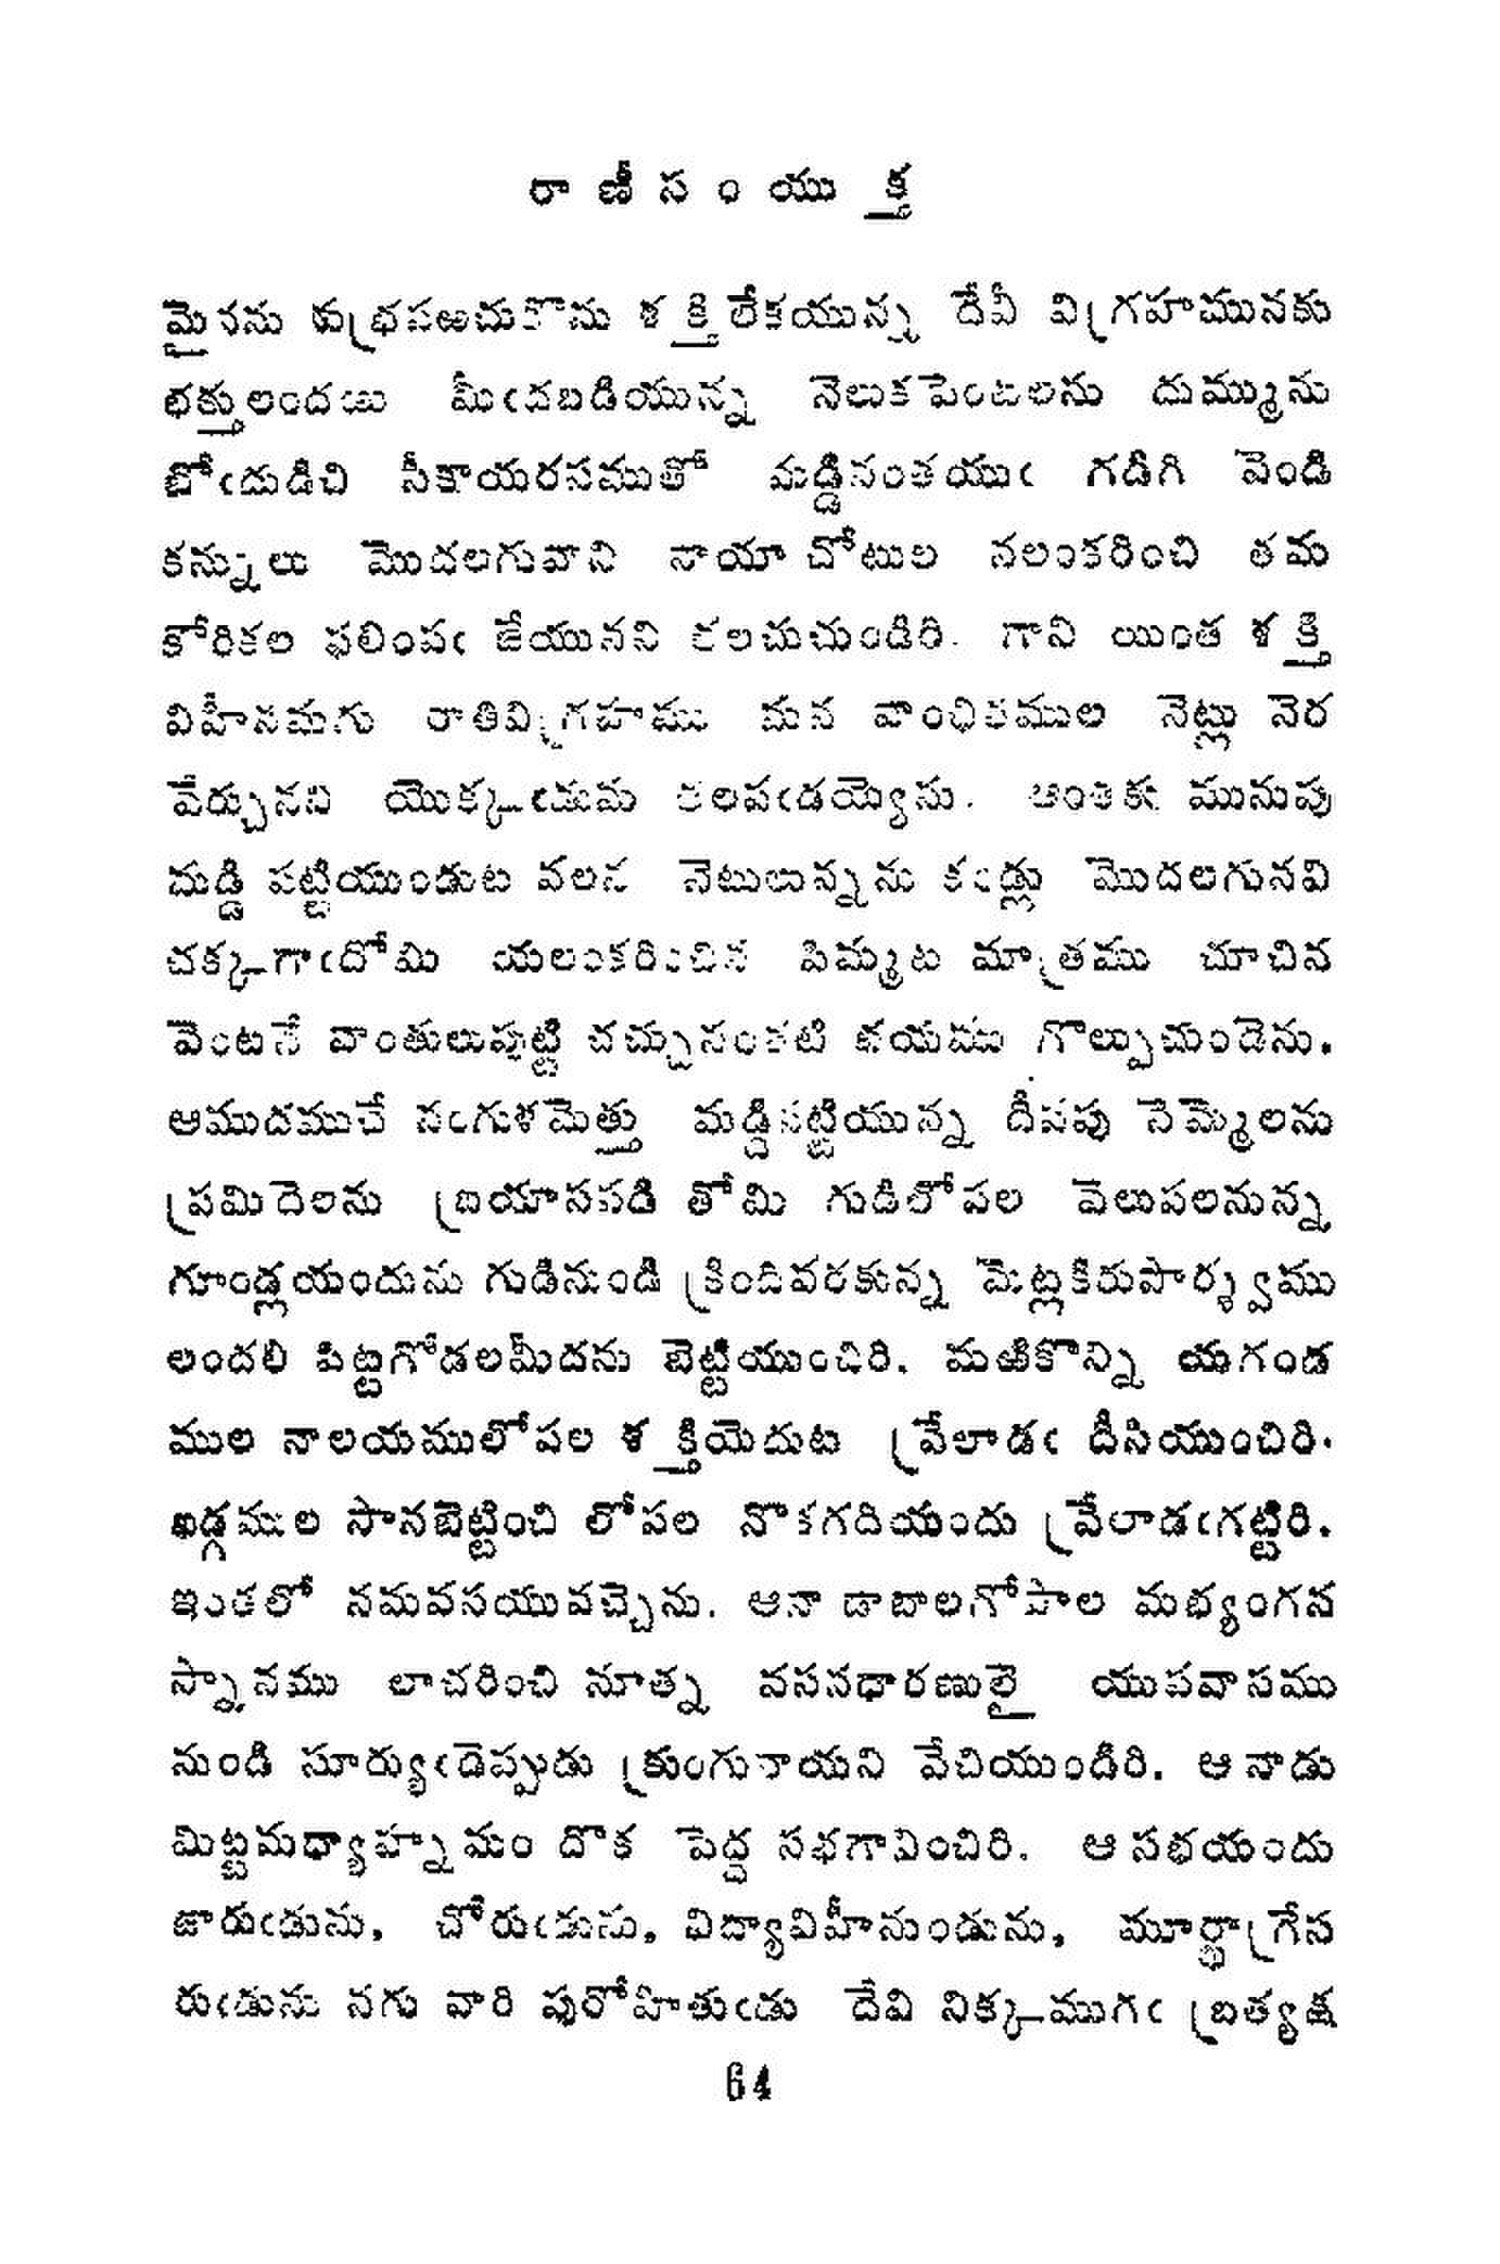మైనను శుభ్రపఱచుకొను శక్తిలేకయున్న దేవీ విగ్రహమునకు భక్తులందఱు మీఁదబడియున్న నెలుకపెంటలను దుమ్మును బోఁదుడిచి సీకాయరసముతో మడ్డినంతయుఁ గడిగి వెండికన్నులు మొదలగువాని నాయా చోటుల నలంకరించి తమ కోరికల ఫలింపఁ జేయునని తలచుచుండిరి. గాని యింత శక్తి విహీనమగు రాతివిగ్రహము మన వాంఛితముల నెట్లు నెరవేర్చునని యొక్కఁడును తలపఁడయ్యెను. అంతకు మునుపు మడ్డి పట్టియుండుట వలన నెటులున్నను కండ్లు మొదలగునవి చక్కగాఁదోమి యలంకరించిన పిమ్మట మాత్రము చూచిన వెంటనే వాంతులుపుట్టి చచ్చునంతటి భయము గొల్పుచుండెను. ఆముదముచే నంగుళమెత్తు మడ్డిపట్టియున్న దీపపు నెమ్మెలను ప్రమిదెలను బ్రయాసపడి తోమి గుడిలోపల వెలుపలనున్న గూండ్లయందును గుడినుండి క్రిందివరకున్న మెట్లకిరుపార్శ్వము లందలి పిట్టగోడలమీదను బెట్టియుంచిరి. మఱికొన్ని యగండముల నాలయములోపల శక్తియెదుట వ్రేలాడఁ దీసియుంచిరి. ఖడ్గముల సానబెట్టించి లోపల నొకగదియందు వ్రేలాడఁగట్టిరి. ఇంతలో నమవసయువచ్చెను. ఆనా డాబాలగోపాల మభ్యంగన స్నానము లాచరించి నూత్న వస్త్రధారణులై యుపవాసము నుండి సూర్యుఁడెప్పుడు క్రుంగునాయని వేచియుండిరి. ఆ నాడు మిట్టమధ్యాహ్నమం దొక పెద్ద సభగావించిరి, ఆసభయందు జారుఁడును, చోరుఁడును, విద్యావిహీనుండును, మూర్థాగ్రేసరుఁడును నగు వారి పురోహితుఁడు దేవి నిక్కముగఁ బ్రత్యక్ష